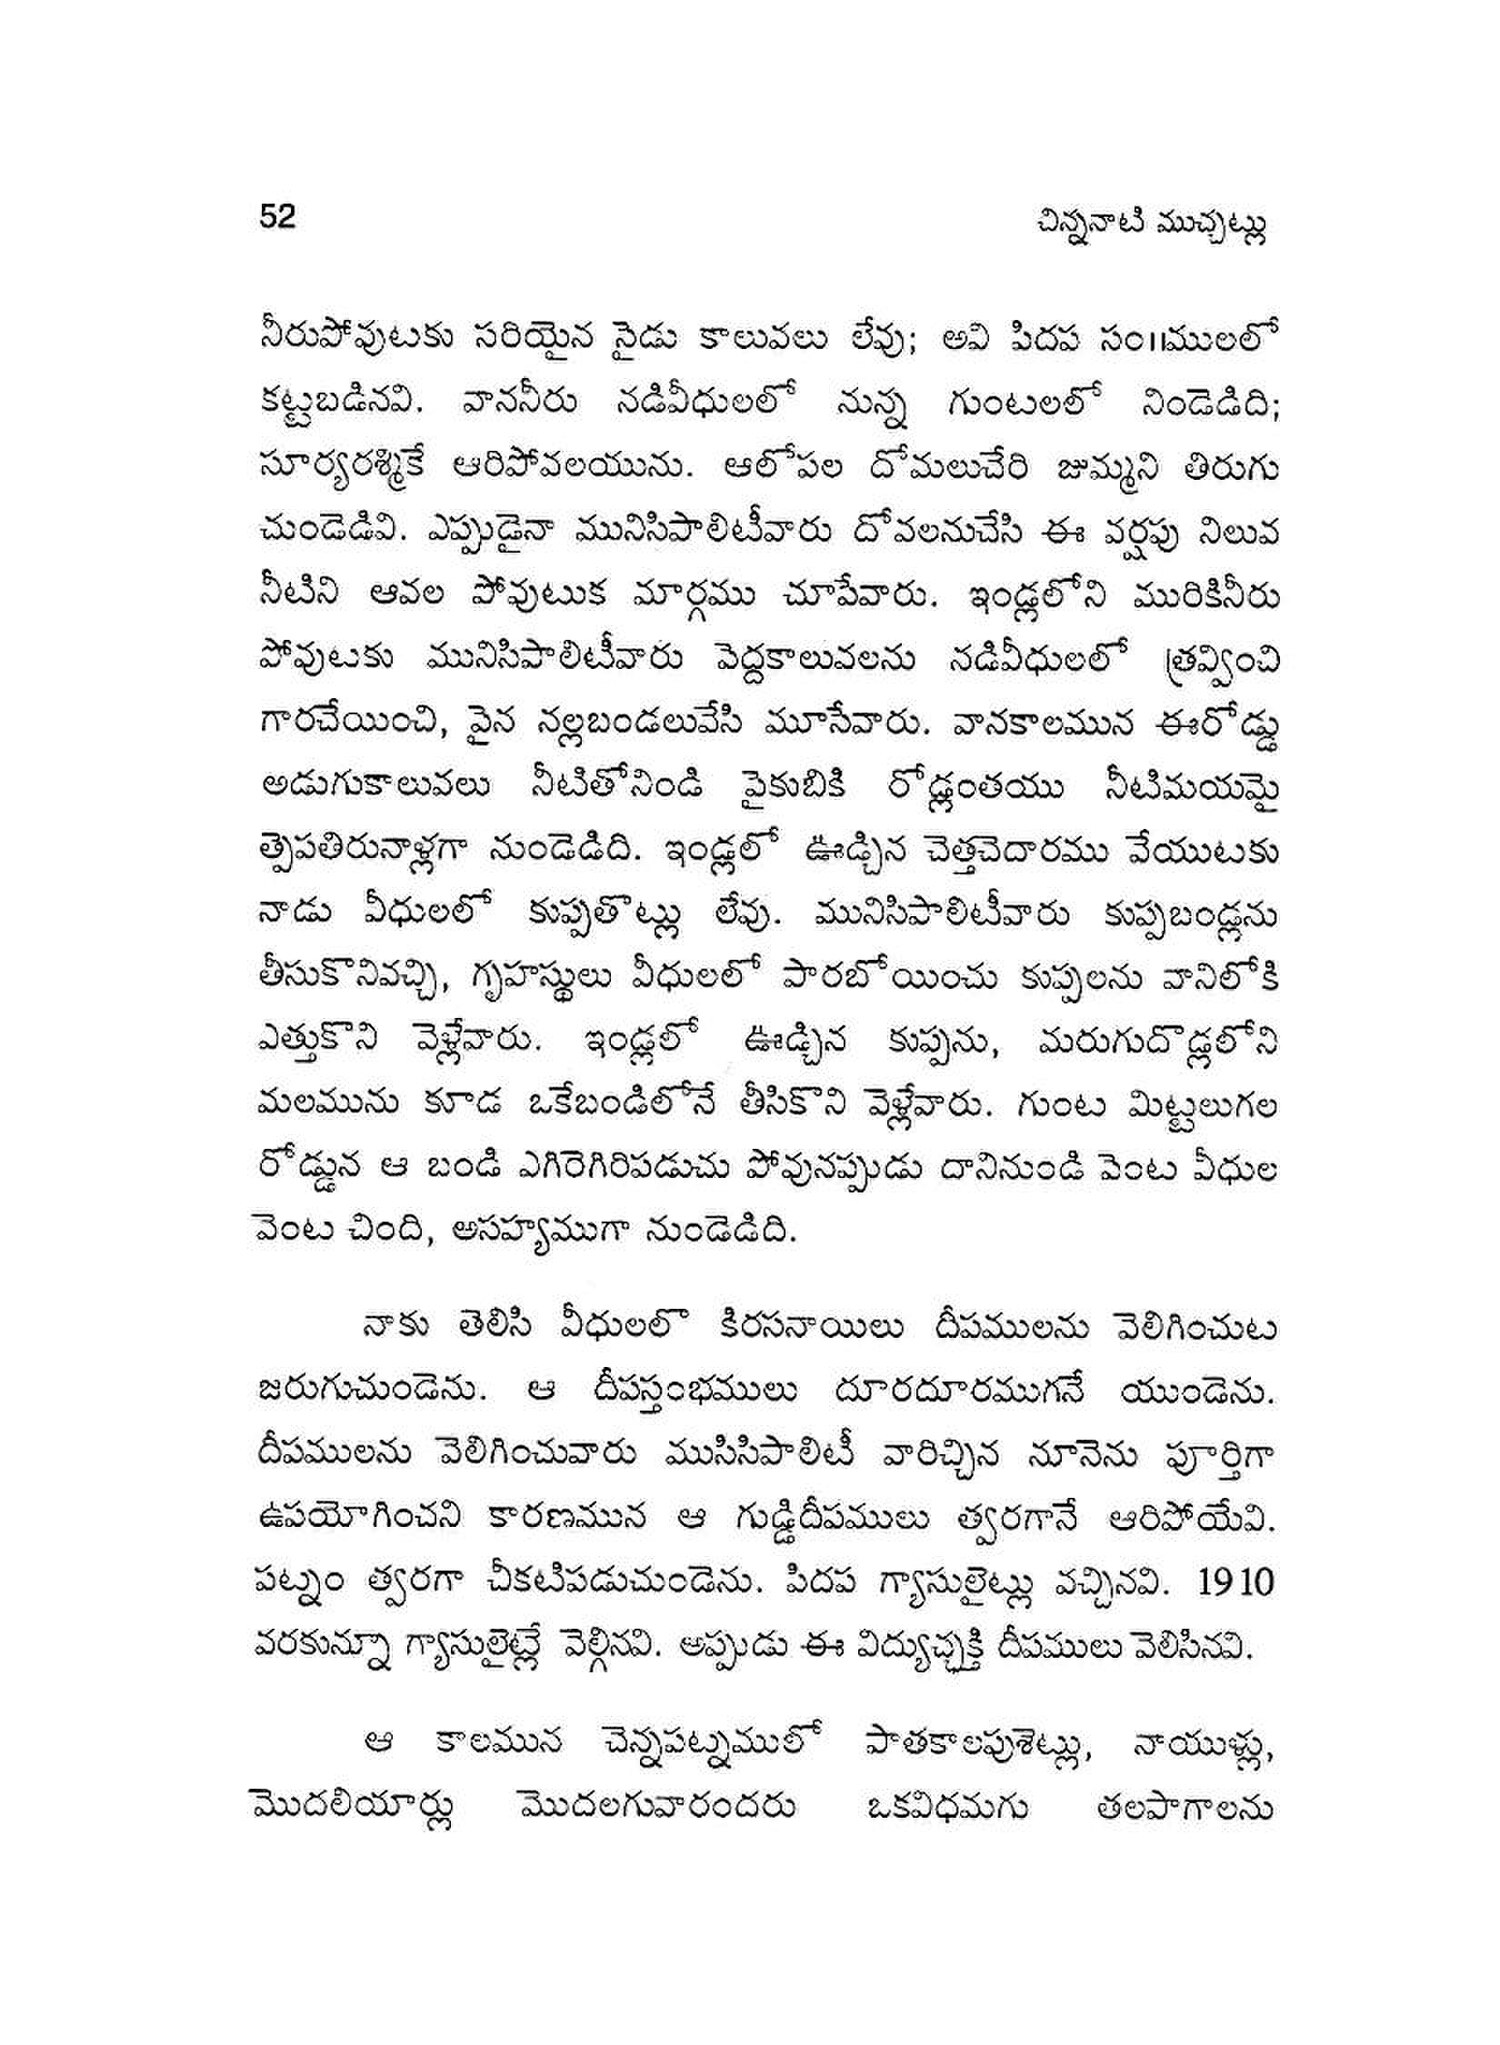నీరుపోవుటకు సరియైన సైడు కాలువలు లేవు; అవి పిదప సం||ములలో కట్టబడినవి. వాననీరు నడివీధులలో నున్న గుంటలలో నిండెడిది; సూర్యరశ్మికే ఆరిపోవలయును. ఆలోపల దోమలుచేరి జుమ్మని తిరుగు చుండెడివి. ఎప్పడైనా మునిసిపాలిటీవారు దోవలనుచేసి ఈ వర్షపు నిలువ నీటిని ఆవల పోవుటుక మార్గము చూపేవారు. ఇండ్లలోని మురికినీరు పోవుటకు మునిసిపాలిటీవారు పెద్దకాలువలను నడివీధులలో త్రవ్వించి గారచేయించి, పైన నల్లబండలువేసి మూసేవారు. వానకాలమున ఈరోడ్డు అడుగుకాలువలు నీటితో నిండి పైకుబికి రోడ్డంతయు నీటిమయమై తెప్పతిరునాళ్లగా నుండెడిది. ఇండ్లలో ఊడ్చిన చెత్తచెదారము వేయుటకు నాడు వీధులలో కుప్పతొట్లు లేవు. మునిసిపాలిటీవారు కుప్పబండ్లను తీసుకొనివచ్చి, గృహస్థులు వీధులలో పారబోయించు కుప్పలను వానిలోకి ఎత్తుకొని వెళ్లేవారు. ఇండ్లలో ఊడ్చిన కుప్పను, మరుగుదొడ్లలోని మలమును కూడ ఒకేబండిలోనే తీసికొని వెళ్లేవారు. గుంట మిట్టలుగల రోడ్డున ఆ బండి ఎగిరెగిరిపడుచు పోవునప్పడు దానినుండి వెంట వీధుల వెంట చింది, అసహ్యముగా నుండెడిది.

నాకు తెలిసి వీధులలొ కిరసనాయిలు దీపములను వెలిగించుట జరుగుచుండెను. ఆ దీపస్తంభములు దూరదూరముగనే యుండెను. దీపములను వెలిగించువారు ముసిసిపాలిటీ వారిచ్చిన నూనెను పూర్తిగా ఉపయోగించని కారణమున ఆ గుడ్డిదీపములు త్వరగానే ఆరిపోయేవి. పట్నం త్వరగా చీకటిపడుచుండెను. పిదప గ్యాసులైట్లు వచ్చినవి. 1910 వరకున్నూ గ్యాసులైట్లే వెల్గినవి. అప్పడు ఈ విద్యుచ్ఛక్తి దీపములు వెలిసినవి.

ఆ కాలమున చెన్నపట్నములో పాతకాలపుశెట్లు, నాయుళ్లు, మొదలియార్లు మొదలగువారందరు ఒకవిధమగు తలపాగాలను